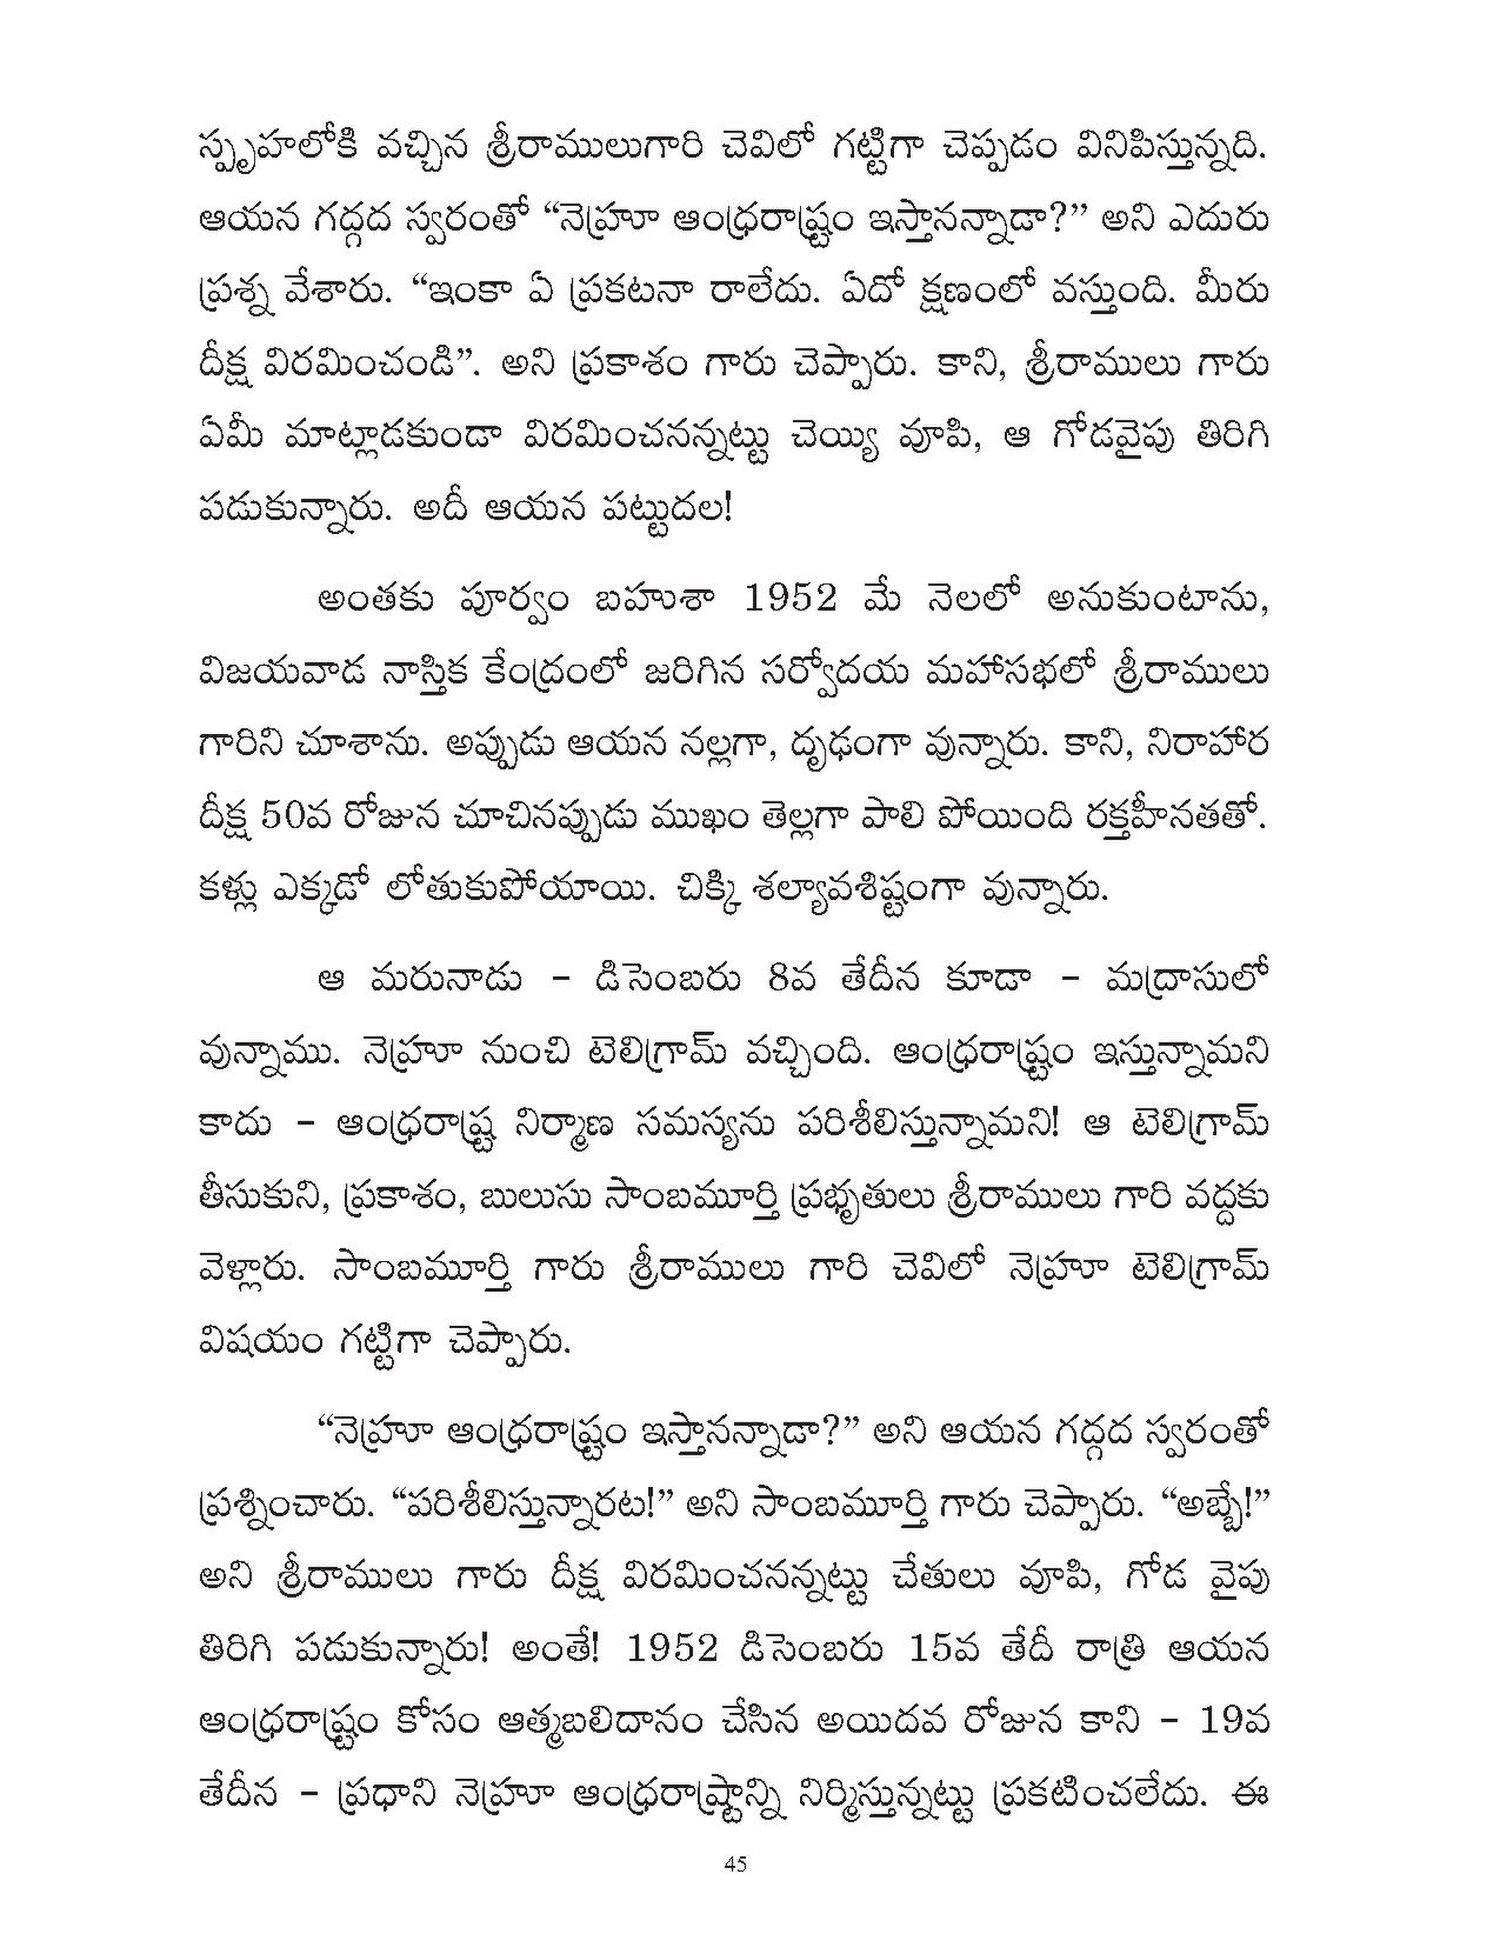స్పృహలోకి వచ్చిన శ్రీరాములుగారి చెవిలో గట్టిగా చెప్పడం వినిపిస్తున్నది.
ఆయన గద్గద స్వరంతో "నెహ్రూ ఆంధ్రరాష్ట్రం ఇస్తానన్నాడా?" అని ఎదురు
ప్రశ్న వేశారు. "ఇంకా ఏ ప్రకటనా రాలేదు. ఏదో క్షణంలో వస్తుంది. మీరు
దీక్ష విరమించండి". అని ప్రకాశం గారు చెప్పారు. కాని, శ్రీరాములు గారు
ఏమీ మాట్లాకుండ విరమించనన్నట్టు చెయ్యి వూపి, ఆ గోడవైపు తిరిగి
పడుకున్నారు. అదీ ఆయన పట్టుదల!

అంతకు పూర్వం బహుశా 1952 మే నెలలో అనుకుంటాను,
విజయవాడ నాస్తిక కేంద్రంలో జరిగిన సర్వోదయ మహాసభలో శ్రీరాములు
గారిని చూశాను. అప్పుడు ఆయన నల్లగా, దృఢంగా వున్నారు. కాని, నిరాహార
దీక్ష 50వ రోజున చూచినప్పుడు ముఖం తెల్లగా పాలి పోయింది రక్తహీనతతో.
కళ్లు ఎక్కడో లోతుకుపోయాయి. చిక్కి శల్యావశిష్టంగా వున్నారు.

ఆ మరునాడు - డిసెంబరు 8వ తేదీన కూడా - మద్రాసులో
వున్నాము. నెహ్రూ నుంచి టెలిగ్రామ్‌ వచ్చింది. ఆంధ్రరాష్ట్రం ఇస్తున్నామని
కాదు - ఆంధ్రరాష్ట్ర నిర్మాణ సమస్యను పరిశీలిస్తున్నామని! ఆ టెలిగ్రామ్‌
తీసుకుని, ప్రకాశం, బులుసు సాంబమూర్తి ప్రభృతులు శ్రీరాములు గారి వద్దకు
వెళ్లారు. సాంబమూర్తి గారు శ్రీరాములు గారి చెవిలో నెహ్రూ టెలిగ్రామ్‌
విషయం గట్టిగా చెప్పారు.

"నెహ్రూ ఆంధ్రరాష్ట్రం ఇస్తానన్నాడా?" అని ఆయన గద్గద స్వరంతో
ప్రశ్నించారు. "పరిశీలిస్తున్నారట!" అని సాంబమూర్తి గారు చెప్పారు. "అబ్బే!"
అని శ్రీరాములు గారు దీక్ష విరమించనన్నట్టు చేతులు వూపి, గోడ వైపు
తిరిగి పడుకున్నారు! అంతే! 1952 డిసెంబరు 15వ తేదీ రాత్రి ఆయన
ఆంధ్రరాష్ట్రం కోసం ఆత్మబలిదానం చేసిన అయిదవ రోజున కాని - 19వ
తేదీన - ప్రధాని నెహ్రూ ఆంధ్రరాష్ట్రాన్ని నిర్మిస్తున్నట్టు ప్రకటించలేదు. ఈ